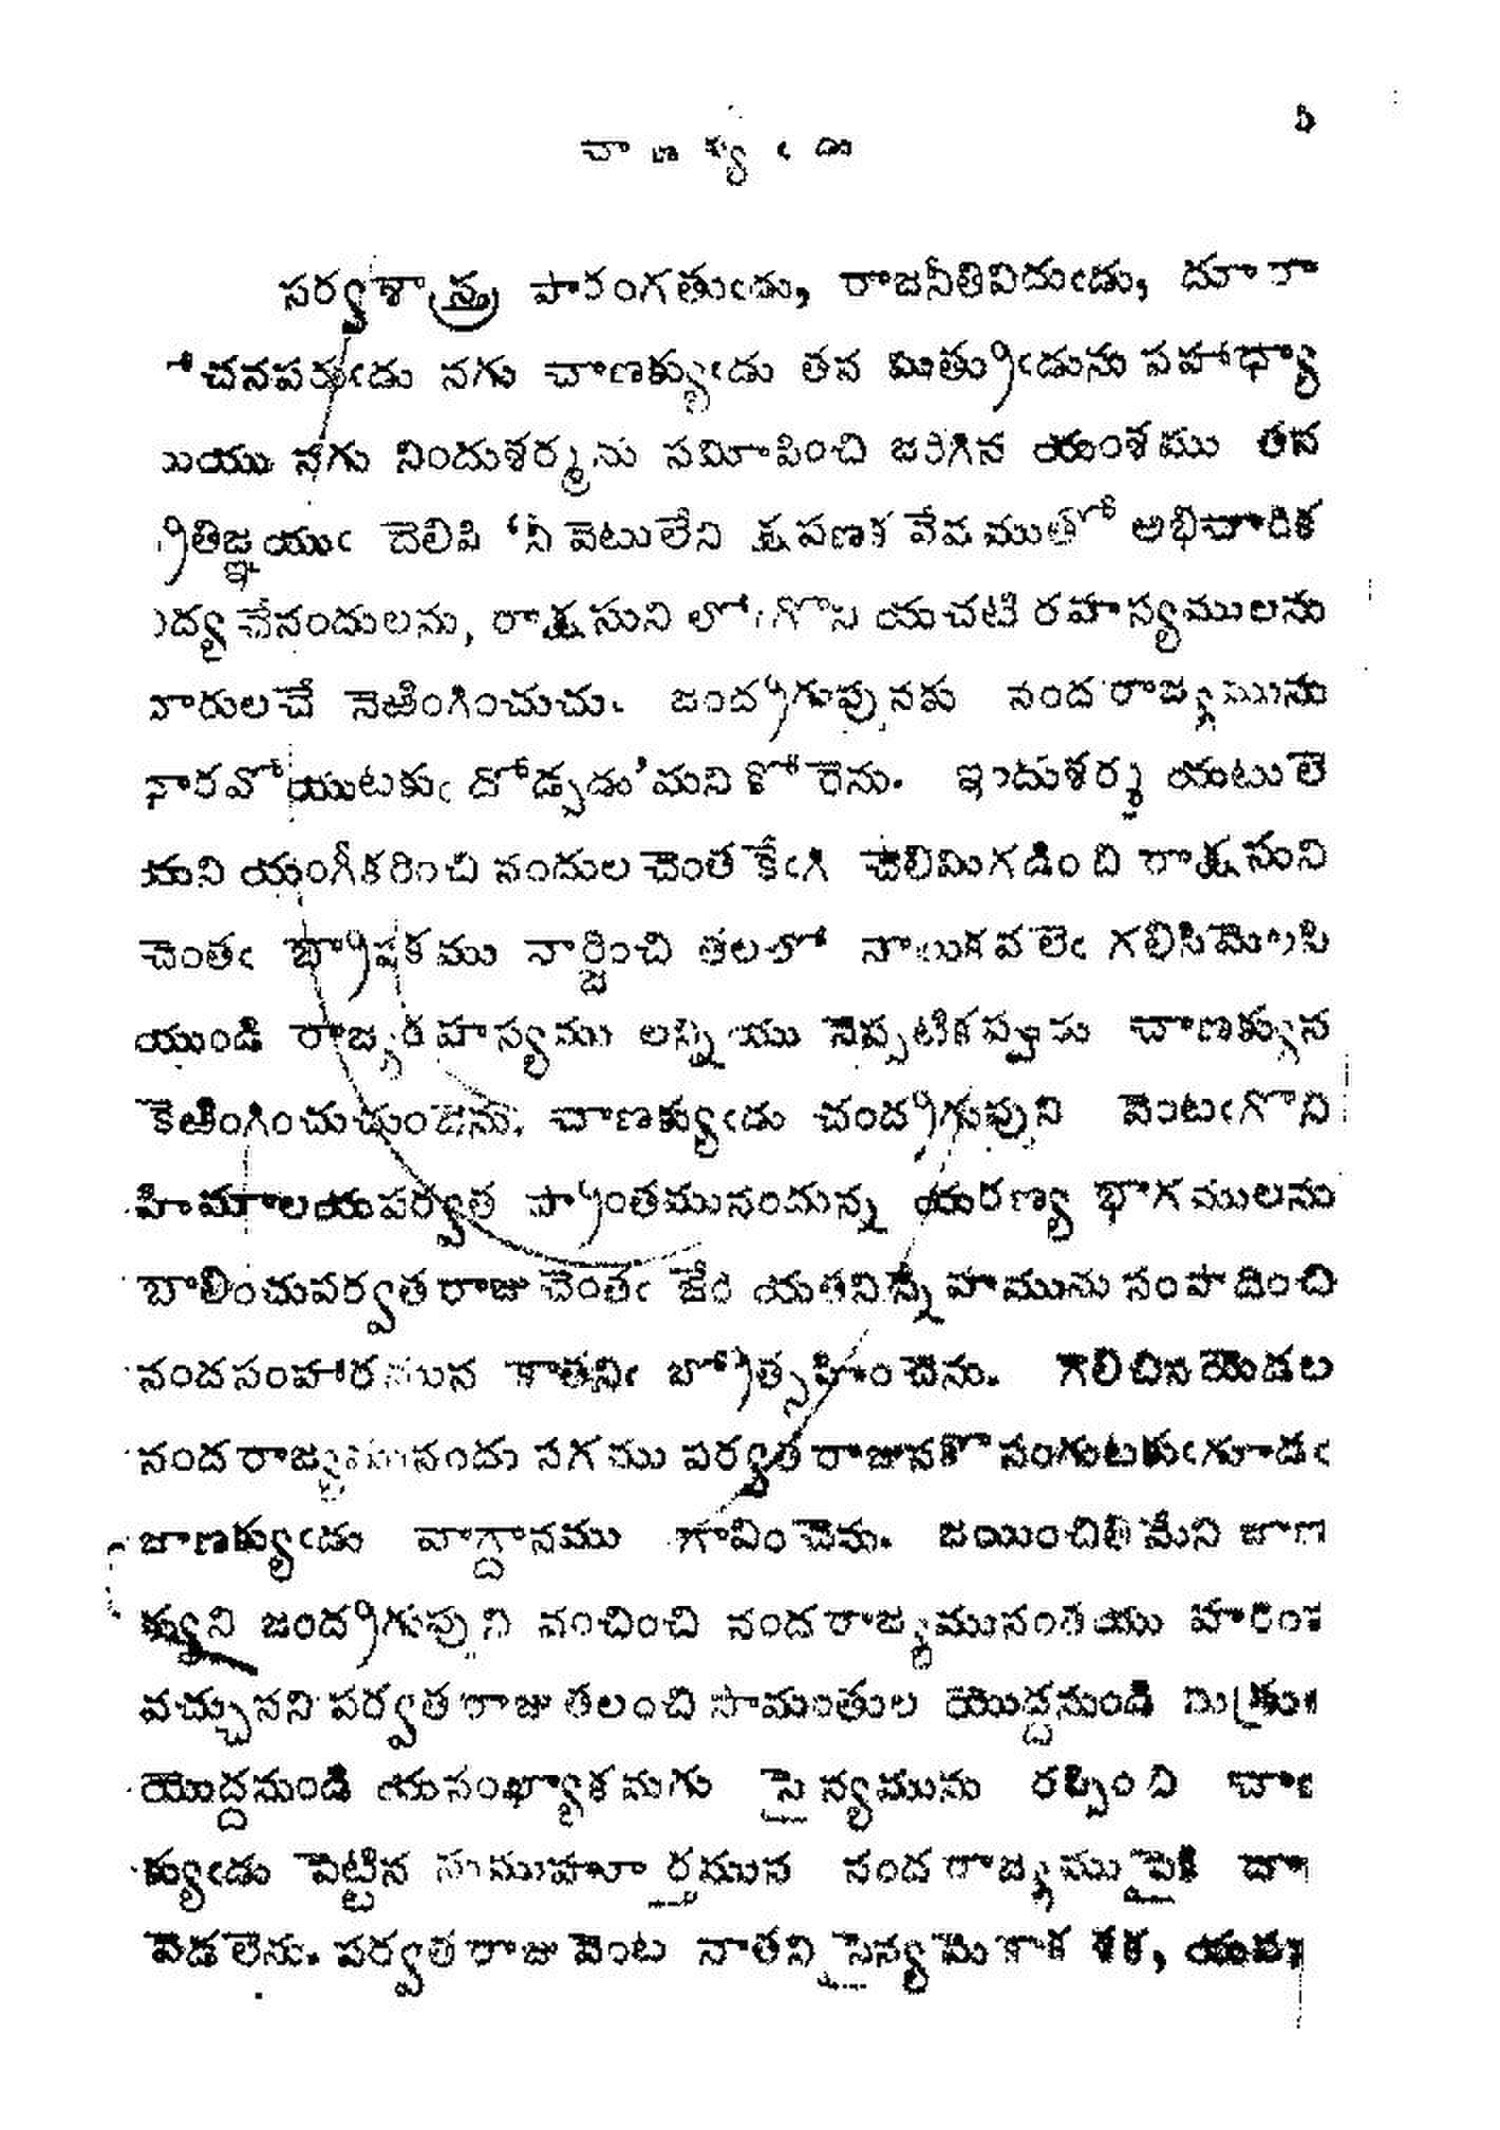సర్వశాస్త్ర పారంగతుడు, రాజనీతివిదుడు, దూరాలోచనపరుడు నగు చాణక్యుడు తన మిత్రుడును సహాధ్యాయయు నగు నిందుశర్మను సమీపించి జరిగిన యంశము తన ప్రతిజ్ఞయు దెలిపి 'నీ వెటులేని క్షపణక వేషముతో అభిచారిక విద్యచే నందులను, రాక్షసుని లోగొని యచటి రహస్యములను చారులచే నెఱింగించుచు, జంద్రగుప్తునకు నందరాజ్యమును ధారవోయుటకు దోడ్పడు' మని కోరెను. ఇందుశర్మ యటులె యని యంగీకరించి నందుల చెంతకేగి చెలిమిగడించి రాక్షసుని చెంత బ్రాపకము నార్జించి తలలో నాలుకవలె గలిసిమెలసి యుండి రాజ్యరహస్యము లన్నియు నెప్పటికప్పుడు చాణక్యున కెఱింగించుచుండెను. చాణక్యుడు చంద్రగుప్తుని వెంటగొని హిమాలయపర్వత ప్రాంతమునందున్న యరణ్య భాగములను బాలించుపర్వతరాజు చెంత జేరి యతని స్నేహమును సంపాదించి నందసంహారమున కాతని బ్రోత్సహించెను. గెలిచిన యెడల నందరాజ్యమునందు సగము పర్వతరాజునకొసంగుటకు గూడ జాణక్యుడు వాగ్దానము గావించెను. జయించితిమేని జాణక్యుని జంద్రగుప్తుని వంచించి నందరాజ్యము నంతయు హరింప వచ్చునని పర్వతరాజు తలంచి సామంతుల యొద్దనుండి మిత్రుల యొద్దనుండి యసంఖ్యాకమగు సైన్యమును రప్పించి చాణక్యుడు పెట్టిన సంమూర్తమున నందరాజ్యముపైకి దా వెడలెను. పర్వతరాజు వెంట నాతని సైన్యమె కాక శక, యవన